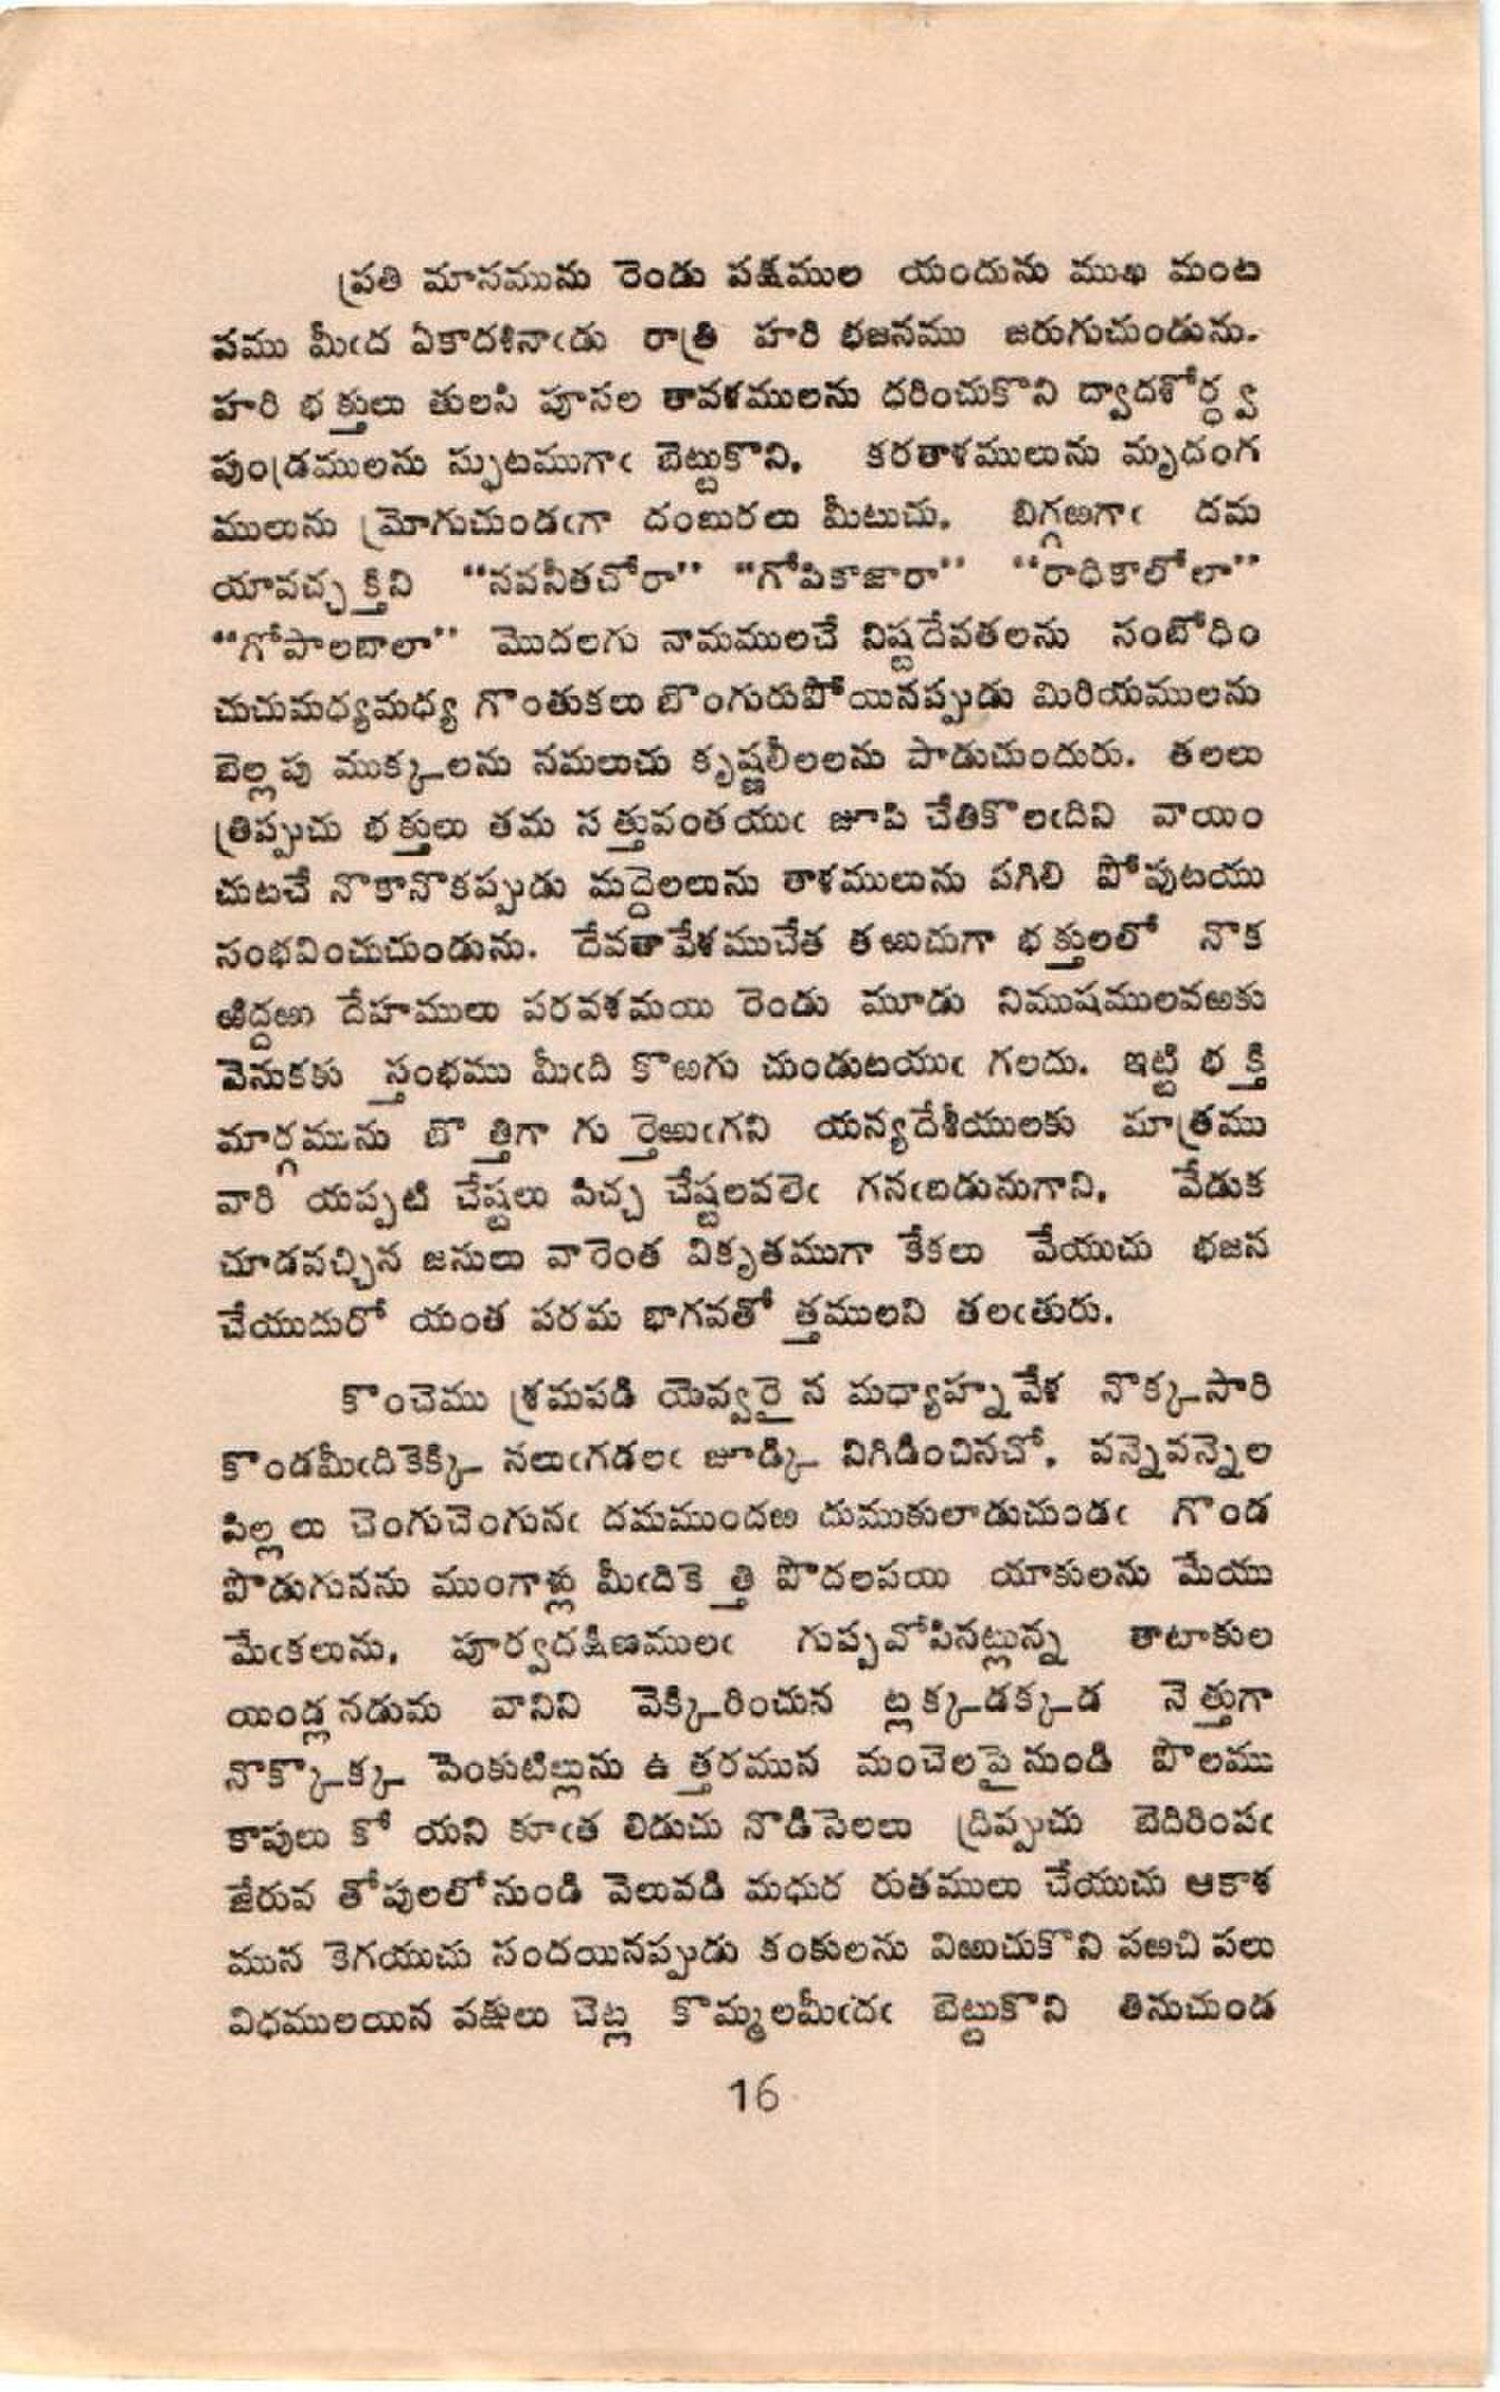ప్రతి మాసమును రెండు పక్షముల యందును ముఖ మంటపము మీఁద ఏకాదశినాఁడు రాత్రి హరి భజనము జరుగుచుండును. హరి భక్తులు తులసి పూసల తావళములను ధరించుకొని ద్వాదశోర్ధ్వ పుండ్రములను స్ఫుటముగా బెట్టుకొని, కరతాళములను మృదంగములను మ్రోగుచుండఁగా తంబురలుమీటుచు, బిగ్గఱగాఁ దమ యావచ్చక్తిని "నవనీత చోరా" "గోపికాజారా" "రాధికాలోలా" "గోపాలబాలా" మొదలగు నామములచే నిష్టదేవతలను సంబోధించుచు మధ్యమధ్య గొంతుకలు బొంగురుపోయినప్పడు మిరియములను బెల్లపు ముక్కలను నమలుచు కృష్ణలీలలను పాడుచుందురు. తలలు త్రిప్పుచు భక్తులు తమ సత్తువంతయుఁ జూపి చేతికొలఁదిని వాయించుటచే నొకానొకప్పుడు మద్దెలలును తాళములును పగిలి పోవుటయు సంభవించుచుండును. దేవతావేశముచేత తఱచుగా భక్తులలో నొక ఱిద్దఱు దేహములు పరవశమయి రెండు మూడు నిముషములవఱకు వెనుకకు స్తంభము మీది కొఱగు చుండుటయు గలదు. ఇట్టి భక్తి మార్గమును బొత్తిగా గుర్తెఱుఁగని యన్యదేశీయులకు మాత్రము వారి యప్పటి చేష్టలు పిచ్చ చేష్టలవలెఁ గనఁబడునుగాని, వేడుక చూడవచ్చిన జనులు వారెంత వికృతముగా కేకలు వేయుచు భజన చేయుదురో యంత పరమ భాగవతోత్తములని తలఁతురు.

కొంచెము శ్రమపడి యెవ్వరైన మధ్యాహ్నవేళ నొక్కసారి కొండమీఁదికెక్కి నలుఁగడలఁ జూడ్కి నిగిడించినచో, వన్నెవన్నెల పిల్లలు చెంగుచెంగునఁ దమముందఱ దుముకులాడుచుండ గొండ పొడుగునను ముంగాళ్ల మీఁదికెత్తి పొదలపయి యాకులను మేయు మేకలను, పూర్వదక్షిణములఁ గుప్పవోసినట్లున్న తాటాకుల యిండ్ల నడుమ వానిని వెక్కిరించున ట్లక్కడక్కడ నెత్తగా నొక్కొక్క పెంకుటిల్లును ఉత్తరమున మంచెలపైనుండి పొలము కాపులు కో యని కూఁత లిడుచు నొడిసెలలు ద్రిప్పుచు బెదిరింపఁ జేరువ తోపులలోనుండి వెలువడి మధుర రుతములు చేయుచు ఆకాశమున కెగయుచు సందయినప్పుడు కంకులను విఱుచుకొని పఱచి పలు విధములయిన పక్షులు చెట్ల కొమ్మలమీఁదఁ బెట్టుకొని తినుచుండ